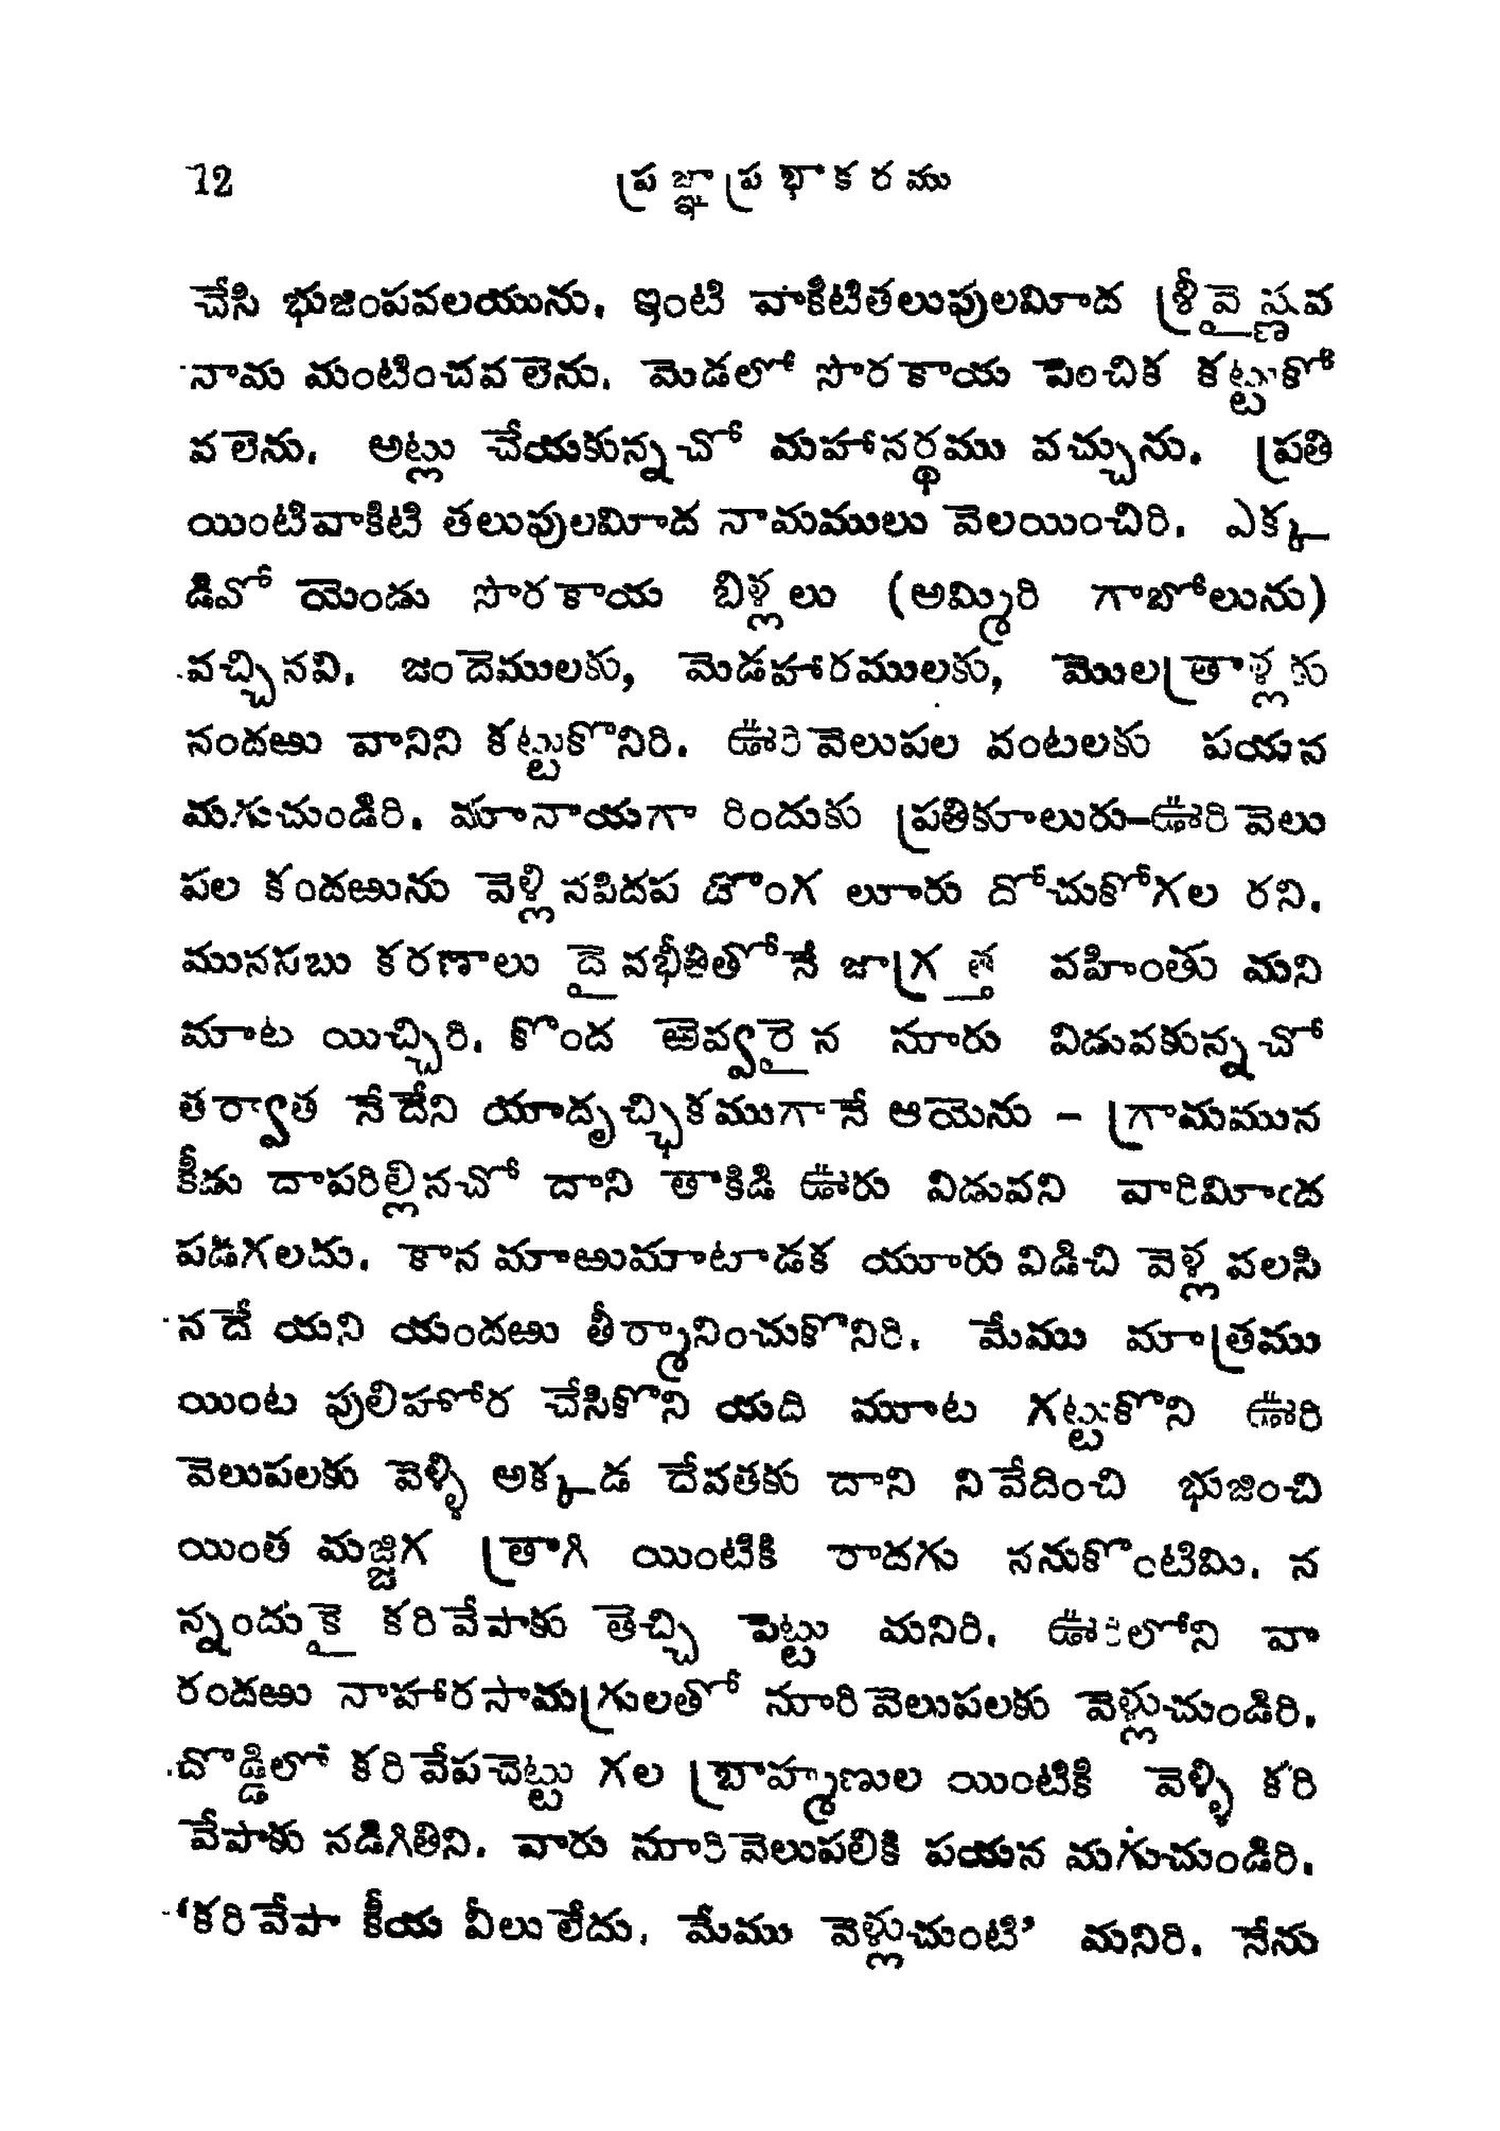చేసి భుజింపవలయును. ఇంటి వాకిటితలుపుల మిద శ్రీ వైష్ణవ నామ మంటించవలెను. మెడలో సొరకాయ పెంచిక కట్టుకో వలెను. అట్లు చేయకున్నచో మహానర్దము వచ్చును. ప్రతి యింటి వాకిటి తలుపులమిద నామములు వెలయించిరి. ఎక్కడివో యెండు సొరకాయ బిళ్లలు (అమ్మిరిగాబోలును) వచ్చినవి. జందెములకు, మెడహరములకు.మొలత్రాళ్ళకు నందఱు వానిని కట్టుకొనిరి. ఊరి వెలుపల వంటలకు పయన మగుచుండిరి. మా నాయనగా రిందుకు ప్రతికూలురు- ఊరి వెలుపల కందఱును వెళ్ళిన పిదప దొంగ లూరు దోచుకోగల రని. మునసబు కారణాలు దైవభీతితో నే జాగ్రత్త వహింతు మని మాట యిచ్చిరి. కొంద ఱెవ్వరైన నూరు విడువకున్నచో తర్వాత నేదేని యాదృచ్చిక ముగానే ఆయెను- గ్రామమున కీడు దాపరిల్లినచో దాని తాకిడి ఊరు విడువని వారి మిఁ ద పడగలదు. కాన మాఱుమాటాక యూరు విడిచి వెళ్ళవలసి నదే యని యందఱు తీర్మానించు కొనిరి. మేము మాత్రము యింట పులిహొర చేసికొని యది మూట గట్టుకొని ఊరి వెలుపలకు వెళ్ళి అక్కడ దేవతకు దాని నివేదించి భుజించి యింత మజ్జిగ త్రాగి యింటికి రాదగు ననుకొంటిమి. నన్నందుకై కరివేపాకు తెచ్చి పెట్టు మనిరి. ఊరిలోని వారందఱు నాహరసామగ్రులతో నూరి వెలుపలకు వెళ్లుచుండిరి. దొడ్డిలో కరివేప చెట్టు గల బ్రాహ్మణుల యింటికి వెళ్ళి కరివేపాకు నడిగితిని. వారు నూరి వెలిపలికి పయనమగుచుండిరి.' కరివేపా కీయ వీలు లేదు. మేము వెళ్లుచింటి' మనిరి. నేను